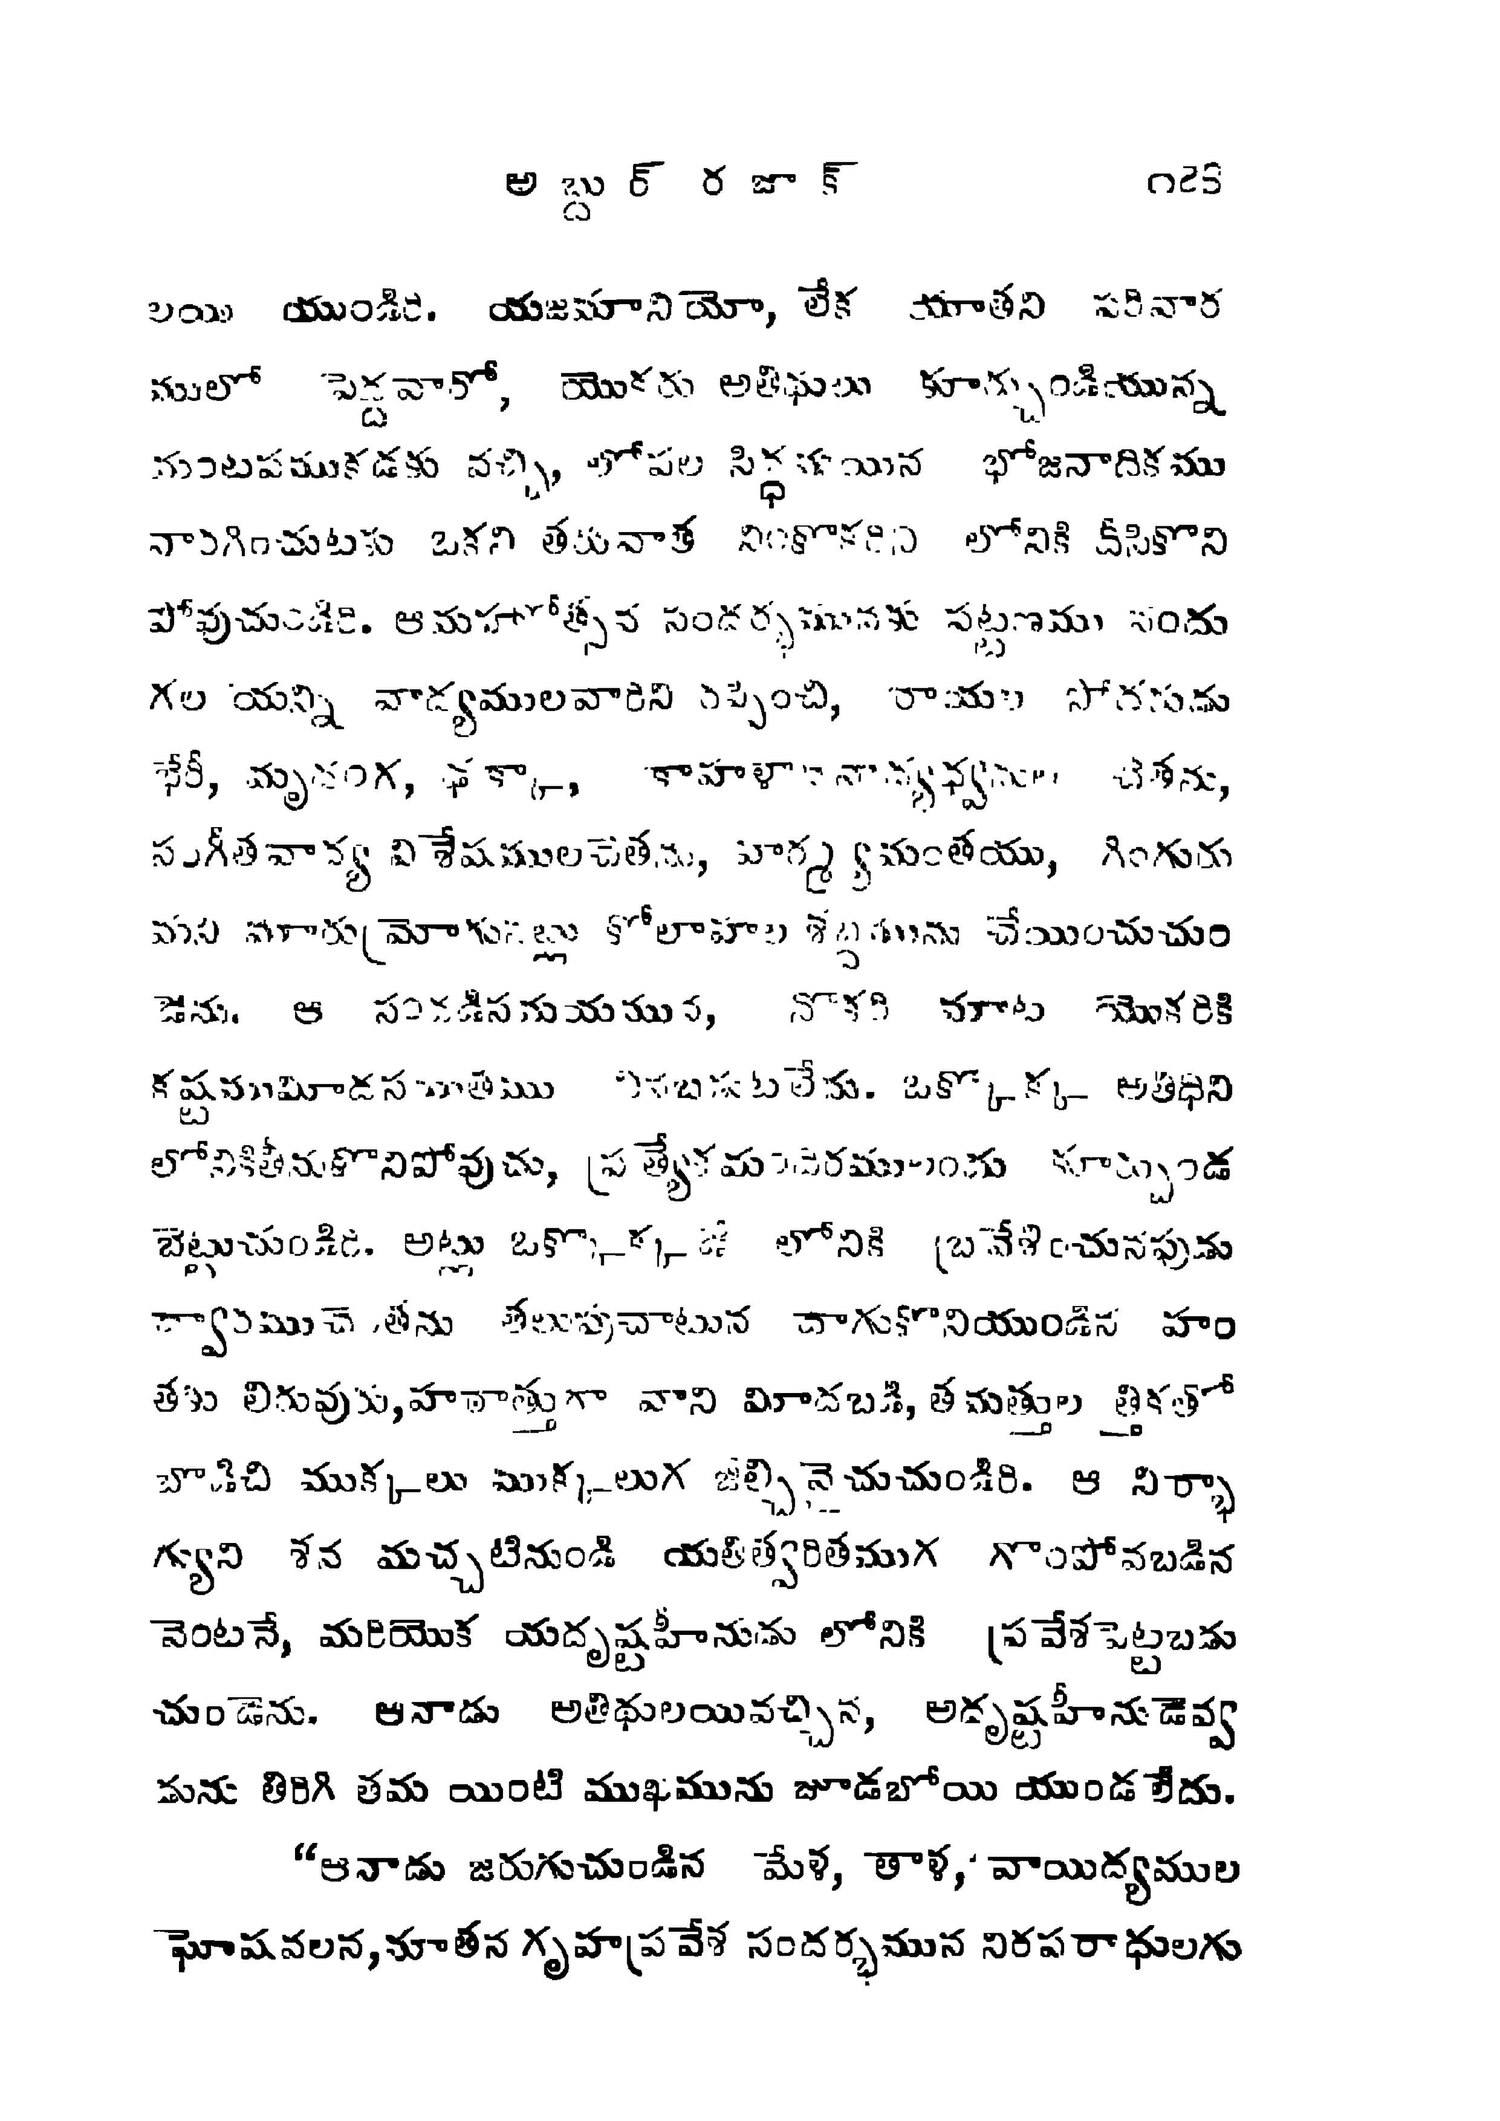లయి యుండిరి. యజమానియో, లేక యాతని పరివారములో పెద్దవారో, యొకరు అతిధులు కూర్చుండియున్న మంటపము కడకు వచ్చి, లోపల సిద్ధమయిన భోజనాదికము నారగించుటకు ఒకని తరువాత నింకొకరిని లోనికి దీసికొని పోవుచుండిరి. ఆమహోత్సవ సందర్భమునకు పట్టణము నందుగల యన్ని వాద్యముల వారిని రప్పించి, రాయల సోదరుడు భేరీ, మృదంగ, డక్కా, కాహళాదవాద్యధ్వనుల చేతను, సంగీతవాద్య విశేషముల చేతను, హర్మ్యమంతయు, గింగురుమని మారుమ్రోగునట్లు కోలాహల శబ్దమును చేయించుచుండెను. ఆ సందడిసమయమున, నొకరి మాట యొకరికి కష్టముమీద సయితము వినబడుటలేదు. ఒక్కొక్క అతిథిని లోనికితీసుకొని పోవుచు, ప్రత్యేకమందిరములందు కూర్చుండ బెట్టుచుండిరి. అట్లు ఒక్కొక్కడే లోనికి బ్రవేశించు నపుడు ద్వారము చెంతను తలుపు చాటున దాగుకొని యుండిన హంతకు లిరువురు, హఠాత్తుగా వాని మీదబడి, తమత్తులత్తికతో బొడిచి ముక్కలు ముక్కలుగ జీల్చివైచుచుండిరి. ఆ నిర్భాగ్యుని శవ మచ్చటినుండి యతిత్వరితముగ గొంపోవబడిన వెంటనే, మరియొక యదృష్టహీనుడు లోనికి ప్రవేశపెట్టబడు చుండెను. ఆనాడు అతిథులయివచ్చిన, అదృష్ఠీనుడెవ్వడును తిరిగి తమ యింటి ముఖమును జూడబోయి యుండలేదు.

"ఆనాడు జరుగుచుండిన మేళ, తాళ, వాయిద్యముల ఘోషవలన, నూతన గృహప్రవేశ సందర్భమున నిరపరాధులగు